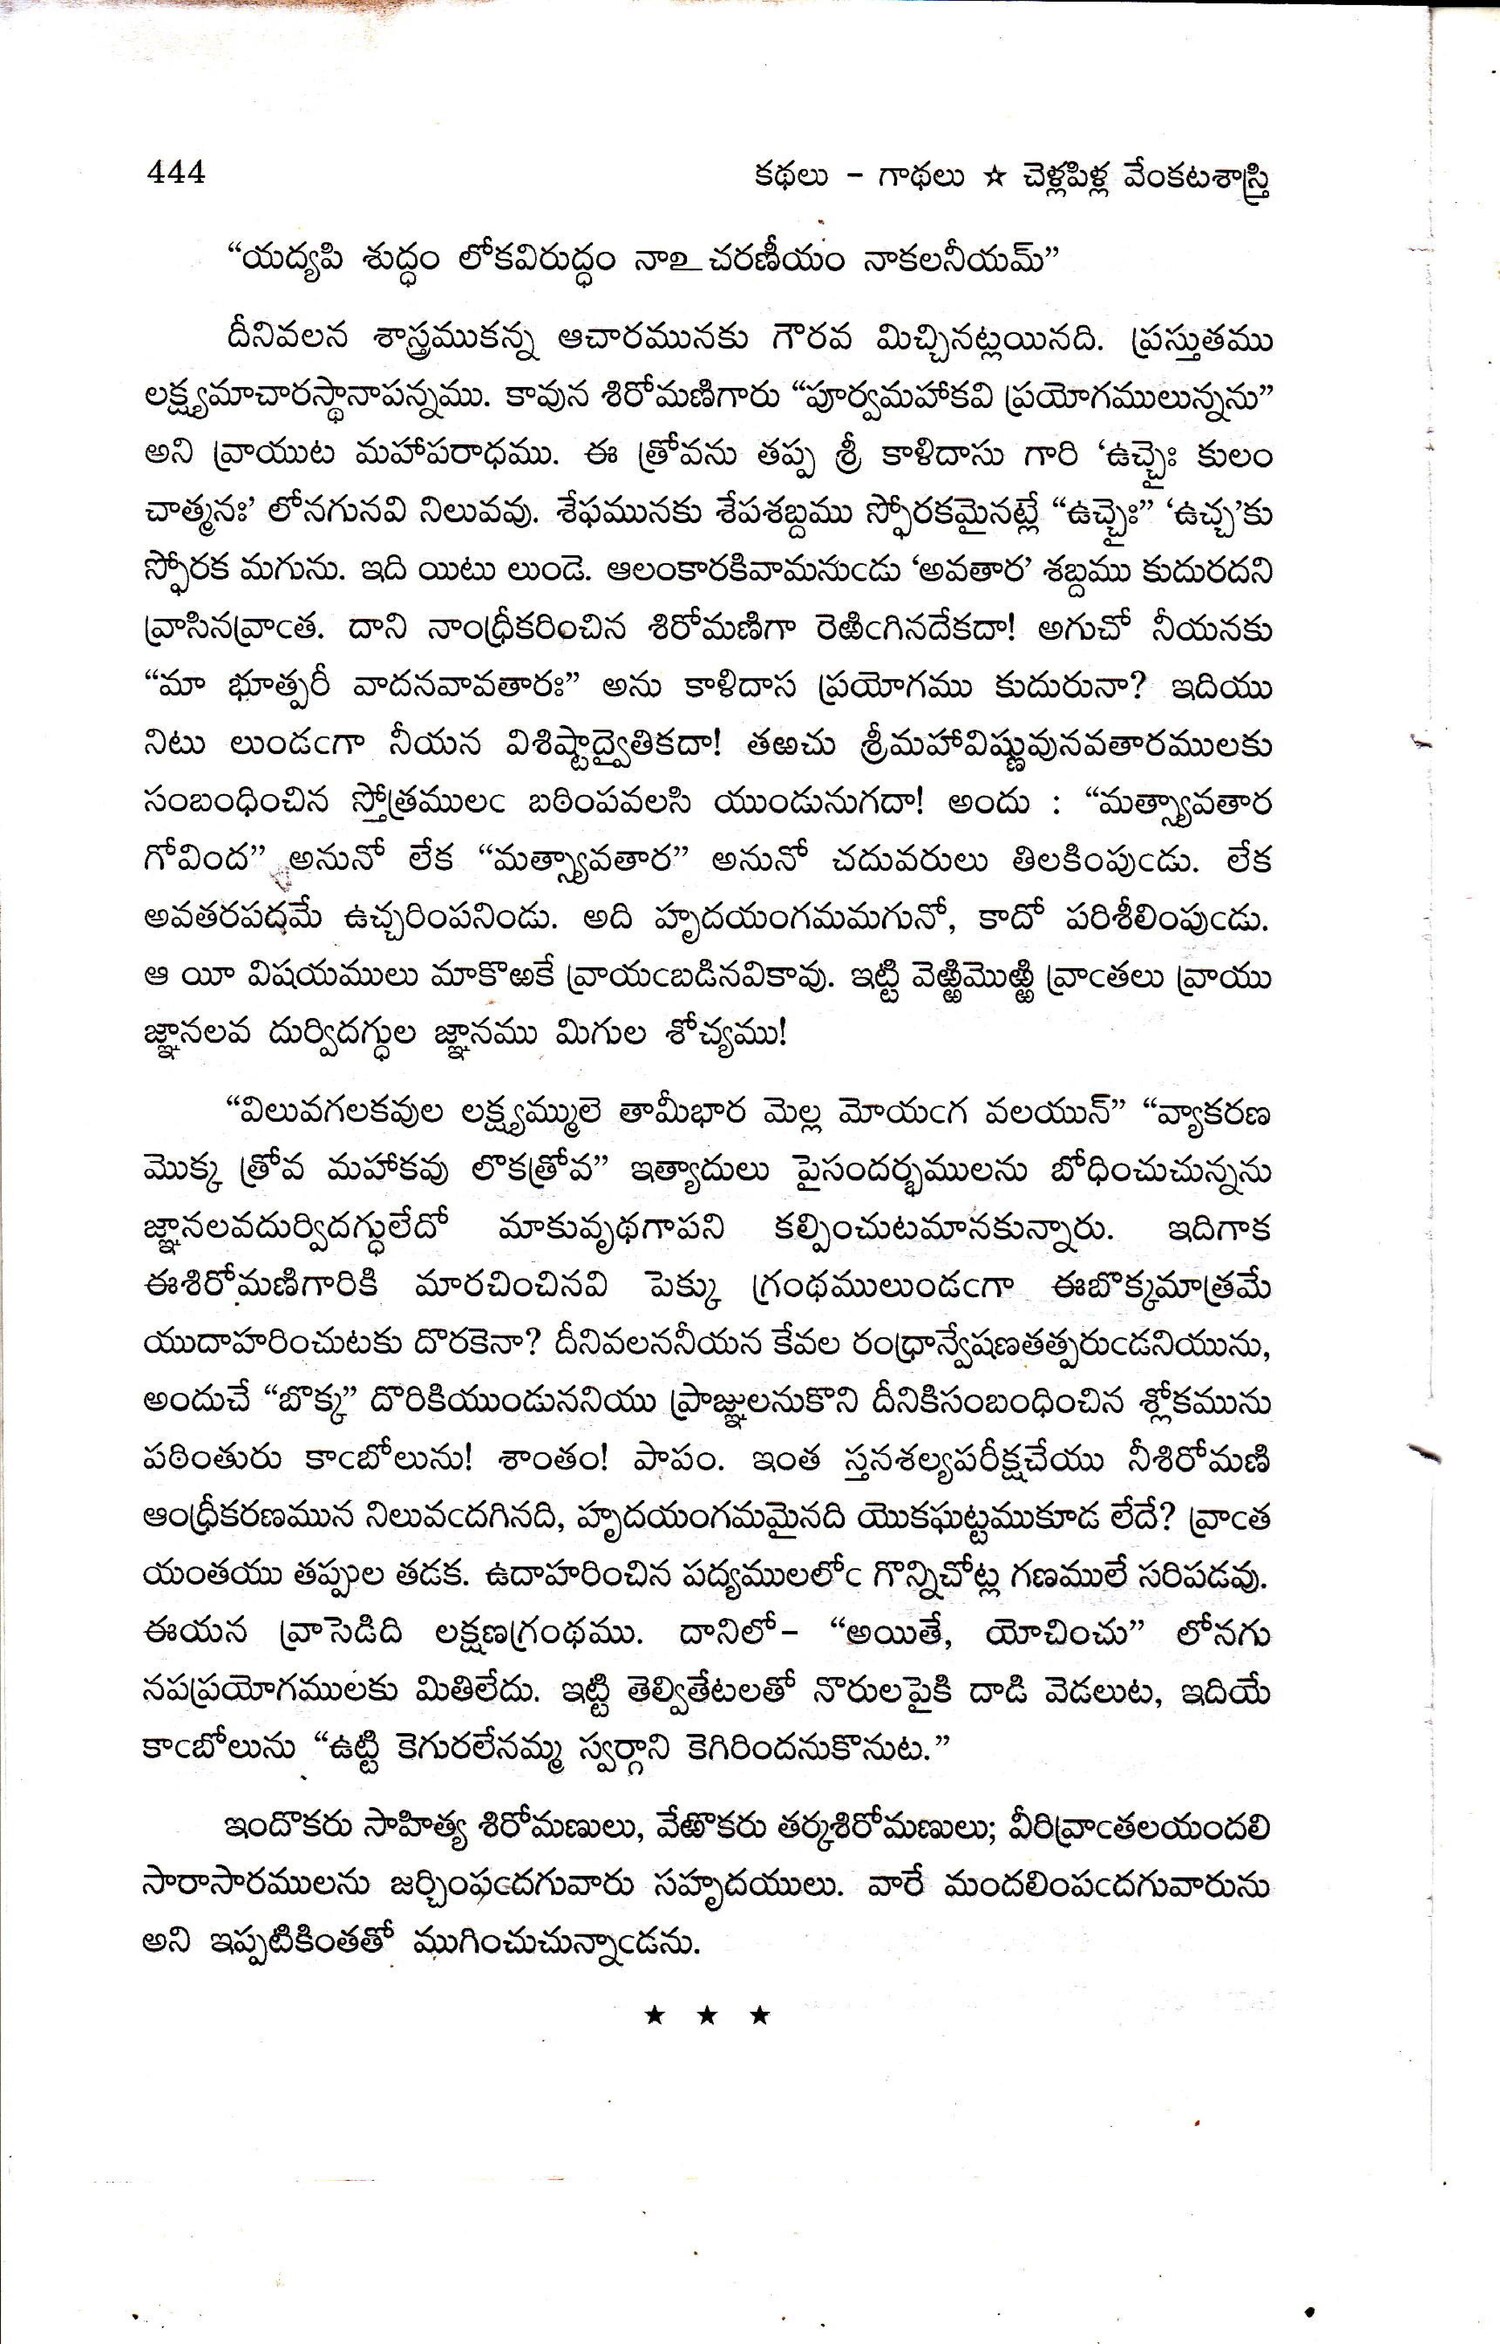"యద్యపి శుద్ధం లోకవిరుద్ధం నా౽చరణీయం నాకలనీయమ్"
దీనివలన శాస్త్రముకన్న ఆచారమునకు గౌరవ మిచ్చినట్లయినది. ప్రస్తుతము లక్ష్యమాచారస్థానాపన్నము. కావున శిరోమణిగారు "పూర్వమహాకవి ప్రయోగములున్నను" అని వ్రాయుట మహాపరాధము. ఈ త్రోవను తప్ప శ్రీ కాళిదాసు గారి "ఉచ్చైః" కులం చాత్మనః లోనగునవి నిలువవు. శేఫమునకు శేపశబ్దము స్ఫోరకమైనట్లే "ఉచ్చైః" 'ఉచ్ఛ'కు స్ఫోరకమగును. ఇది యిటు లుండె. ఆలంకారకివామనుఁడు 'అవతార' శబ్దము కుదురదని వ్రాసినవ్రాఁత, దాని నాంద్రీకరించిన శిరోమణిగా రెఱిఁగినదేకదా! అగుచో నీయనకు "మా భూత్పరీ వాదనవావతారః" అను కాళిదాస ప్రయోగము కుదురునా? ఇదియు నిటు లుండంగా నీయన విశిష్టాద్వైతికదా! తఱచు శ్రీమహావిష్ణువునవతారములకు సంబంధించిన స్తోత్రములఁ బఠింపవలసి యుండునుగదా! అందు : “మత్స్యావతార గోవింద" అనునో లేక “మత్స్యావతార" అనునో చదువరులు తిలకింపుఁడు. లేక అవతరపదమే ఉచ్చరింపనిండు. అది హృదయంగమమగునో, కాదో పరిశీలింపుఁడు. ఆ యీ విషయములు మాకొఱకే వ్రాయఁబడినవికావు. ఇట్టి వెఱ్ఱిమొఱ్ఱి వ్రాఁతలు వ్రాయు జ్ఞానలవ దుర్విదగ్ధుల జ్ఞానము మిగుల శోచ్యము!

“విలువగలకవుల లక్ష్యమ్ములె తామీభార మెల్ల మోయఁగ వలయున్” “వ్యాకరణ మొక్క త్రోవ మహాకవు లొకత్రోవ" ఇత్యాదులు పైసందర్భములను బోధించుచున్నను జ్ఞానలవదుర్విదగ్ధులేదో మాకువృథగా పని కల్పించుట మానకున్నారు. ఇదిగాక ఈశిరోమణిగారికి మారచించినవి పెక్కు గ్రంథములుండఁగా ఈబొక్కమాత్రమే యుదాహరించుటకు దొరకెనా? దీనివలననీయన కేవల రంధ్రాన్వేషణతత్పరుఁడనియును, అందుచే “బొక్క" దొరికియుండుననియు ప్రాజ్ఞులనుకొని దీనికిసంబంధించిన శ్లోకమును పఠింతురు కాఁబోలును! శాంతం! పాపం. ఇంత స్తనశల్యపరీక్షచేయు నీశిరోమణి ఆంద్రీకరణమున నిలువఁదగినది, హృదయంగమమైనది యొకఘట్టముకూడ లేదే? వ్రాఁత యంతయు తప్పుల తడక, ఉదాహరించిన పద్యములలోఁ గొన్నిచోట్ల గణములే సరిపడవు. ఈయన వ్రాసెడిది లక్షణగ్రంథము. దానిలో- “అయితే, యోచించు" లోనగు నపప్రయోగములకు మితిలేదు. ఇట్టి తెల్వితేటలతో నొరులపైకి దాడి వెడలుట, ఇదియే కాఁబోలును "ఉట్టి కెగురలేనమ్మ స్వర్గాని కెగిరిందనుకొనుట."

ఇందొకరు సాహిత్య శిరోమణులు, వేఱొకరు తర్కశిరోమణులు; వీరివ్రాఁతలయందలి సారాసారములను జర్చింపఁదగువారు సహృదయులు. వారే మందలింపందగువారును అని ఇప్పటికింతతో ముగించుచున్నాఁడను.